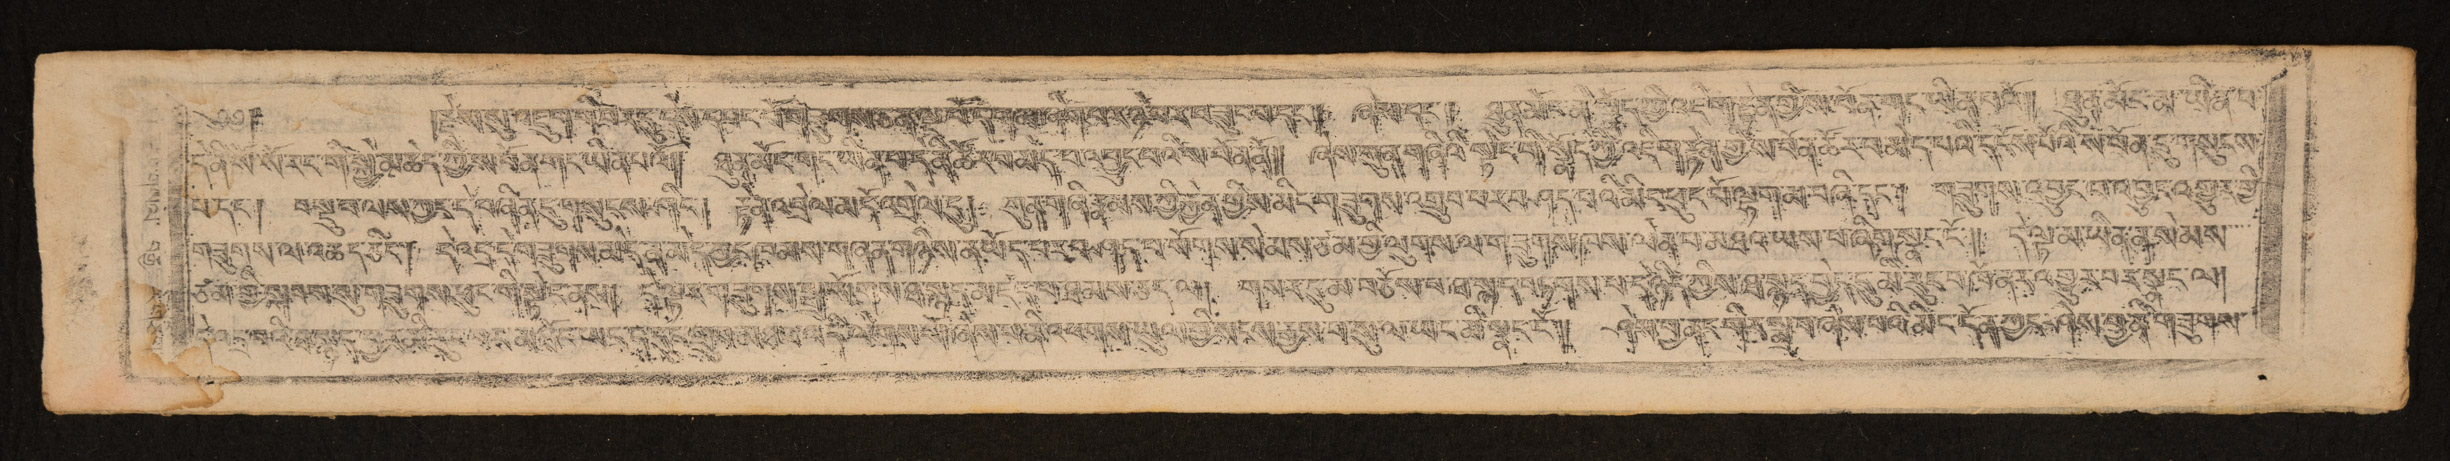༄༅། །རྗེས་སུ་འཇུག་གི་བར་དུ་དེས་དབང་པོ་གཟུགས་ཅན་ལྔ་པོ་དག་མ་ཞིག་པར་ཉེ་བར་བཟུང་བ་དང་། ཞེས་དང་། ཐུན་མོང་ནི་སྣོད་ཀྱི་འཇིག་རྟེན་གྱི་ས་བོན་གང་ཡིན་པའོ།། ཐུན་མོང་མ་ཡིན་པ་
དེ་ནི་སོ་སོ་རང་གི་སྐྱེ་མཆེད་ཀྱི་ས་བོན་གང་ཡིན་པའོ།། ཐུན་མོང་གང་ཡིན་པ་དེ་ནི་ཚོར་བ་མེད་པ་འབྱུང་བའི་ས་བོན་ནོ།། ཞེས་ཀུན་གཞིའི་སྟེང་གི་སྣོད་ཀྱི་འཇིག་རྟེན་གྱི་ས་བོན་ཚོར་བ་མེད་པའི་དངོས་པོའི་ས་བོན་དུ་གསུངས་
པ་དང་། བསྡུ་བ་ལས་ཀྱང་དེ་བཞིན་དུ་གསུངས་ཤིང་། རྟེན་འབྲེལ་མདོ་འགྲེལ་དུ། ཀུན་གཞི་རྣམས་ཀྱི་རྐྱེན་གྱིས་མིང་གཟུགས་འགྲུབ་པར་བཤད་པའི་མིང་ཕུང་པོ་ལྷག་མ་བཞི་དང་། གཟུགས་འབྱུང་བ་འབྱུང་འགྱུར་གྱི་
གཟུགས་ལ་འཆད་ཅིང་། དེ་འདྲ་དེ་གཟུགས་མེད་ན་མེད་ཀྱང་ཁམས་གཞན་གཉིས་ན་ཡོད་པར་བཤད་པ་སོགས་སེམས་ཙམ་གྱི་ལུགས་ལ་གཟུགས་ཁས་ལེན་པ་མཐའ་ཡས་པ་ཞིག་སྣང་ངོ།། དེ་ལྟ་མ་ཡིན་ན་སེམས་
ཙམ་གྱི་སྐབས་སུ་གཟུགས་ཕུང་གི་སྟེང་ནས། དེ་ལྟར་གཟུགས་སྒྲ་སོགས་ཐ་སྙད་མཛད་པ་ཐམས་ཅད་ལ། གསར་དུ་མ་བཅོས་པ་ཐ་སྙད་བཏགས་པ་དེ་ཉིད་ཀྱིས་ཐ་སྙད་བྱེད་དུ་མི་རུང་བ་ཁོ་ནར་འགྱུར་བར་སྣང་ལ།
དེ་འདྲ་བའི་ཐ་སྙད་བྱར་མི་རུང་བར་མཐོང་ཡང་ད་དུང་གྲུབ་མཐའ་འདི་ལེགས་སོ་ཞེས་པ་ནི་འཕགས་ཡུལ་གྱི་སངས་རྒྱས་པ་སུ་ལ་ཡང་མི་སྣང་ངོ།། ཤེས་བྱ་ནང་གིར་སྨྲ་བ་ཞེས་པའི་མིང་དོན་ཀྱང་ཤེས་བྱ་ནི་གཟུགས་